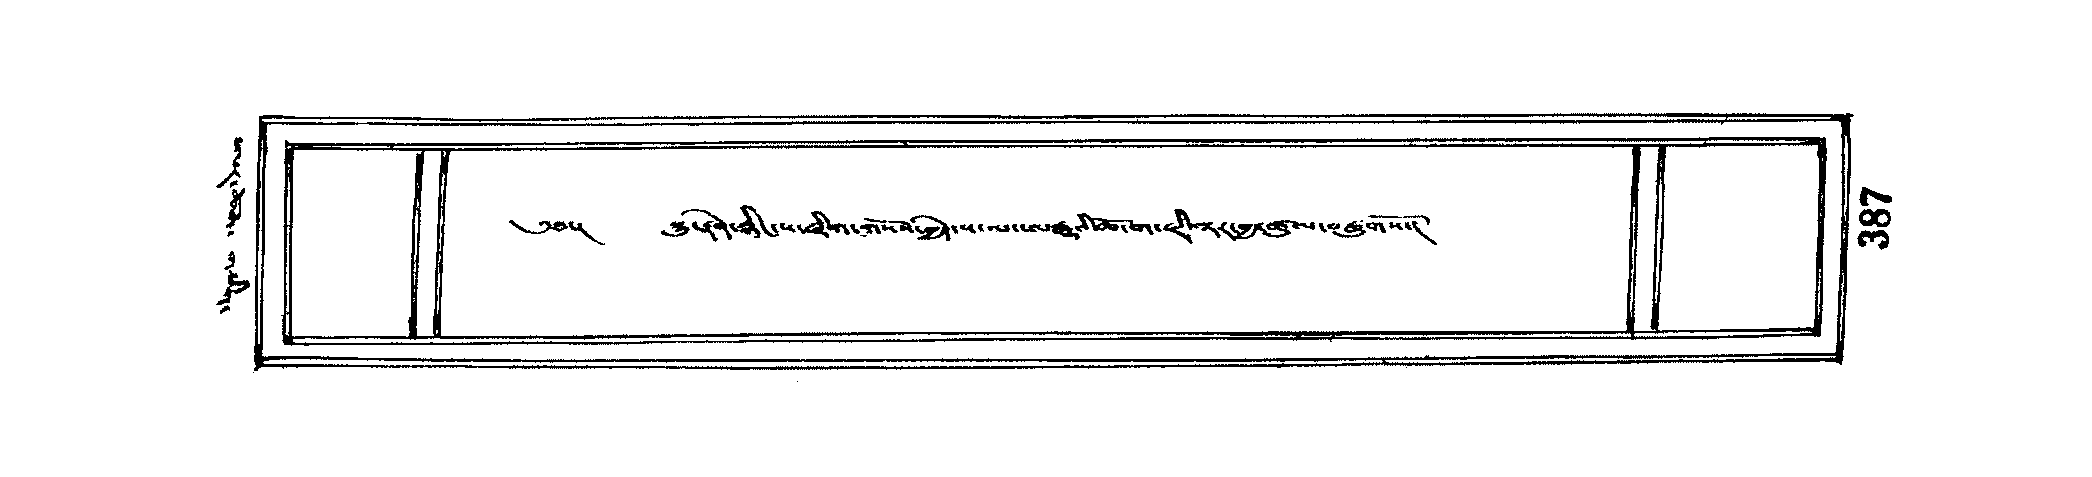༄༅། སྐུ་རྟེན་རྙིང་པ་ཞིག་གསོས་བྱེད་པ་ལ་ཨརྒྷའི་ཆོ་ག་ཇི་ལྟར་བྱ་ཚུལ་བཞུགས་སོ།།